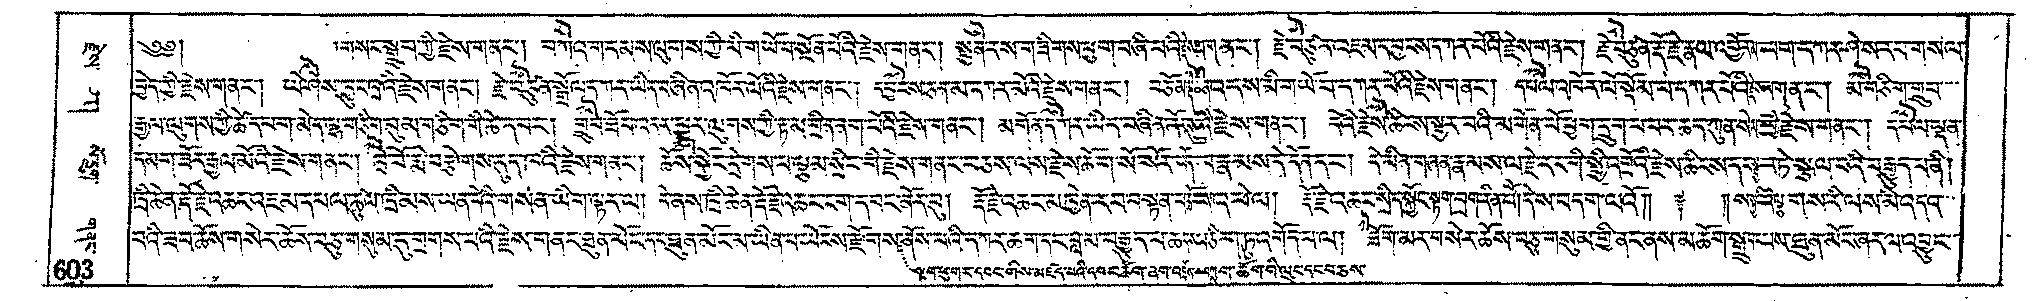༄༅། །གསང་སྒྲུབ་ཀྱི་རྗེས་གནང་། བཀའ་གདམས་ལུགས་ཀྱི་མི་གཡོ་བ་སྔོན་པོའི་རྗེས་གནང་། སྤྱན་རས་གཟིགས་ཕྱག་བཞི་པའི་རྗེས་གནང་། རྗེ་བཙུན་འཇམ་དབྱངས་དཀར་པོའི་རྗེས་གནང་། རྗེ་བཙུན་རྡོ་རྗེ་རྣལ་འབྱོར་མ་ཕག་དཀར་ཤེས་རབ་གསལ་
བྱེད་ཀྱི་རྗེས་གནང་། ཡེ་ཤེས་ཁྱུང་ཁྲའི་རྗེས་གནང་། རྗེ་བཙུན་སྒྲོལ་དཀར་ཡིད་བཞིན་འཁོར་ལོའི་རྗེས་གནང་། དབྱངས་ཅན་མ་དཀར་མོའི་རྗེས་གནང་། བཅོམ་ལྡན་འདས་མི་གཡོ་བ་དཀར་པོའི་རྗེས་གནང་། དཔལ་འཁོར་ལོ་སྡོམ་པ་དཀར་པོའི་རྗེས་གནང་། མ་གཅིག་གྲུབ་
རྒྱལ་ལུགས་ཀྱི་ཚེ་དཔག་མེད་ལྷ་གཅིག་བུམ་གཅིག་གི་ཚེ་དབང་། གྲུབ་ཐོབ་འདར་ཕྱར་ལུགས་ཀྱི་རྟ་མགྲིན་ནག་པོའི་རྗེས་གནང་། མགོན་དཀར་ཡིད་བཞིན་ནོར་བུའི་རྗེས་གནང་། དེའི་རྗེས་ཆིངས་སྦྱར་བའི་མགོན་པོ་ཕྱག་དྲུག་པ་བར་ཆད་ཀུན་སེལ་གྱི་རྗེས་གནང་། དཔལ་ལྡན་
དམག་ཟོར་རྒྱལ་མོའི་རྗེས་གནང་། ཁྲོ་བོ་རྨེ་བརྩེགས་དུད་ཁའི་རྗེས་གནང་། ཆོས་སྐྱོང་དྲེགས་པ་ལྕམ་སྲིང་གི་རྗེས་གནང་བཅས་ལས་རྗེས་ཆོག་སོ་སོར་ཡོད་པ་རྣམས་དེ་དོན་དང་། དེ་མིན་གཞན་རྣམས་ལ་རྗེ་རང་གི་སྤྱི་འགྲོའི་རྗེས་ཆིངས་དང་སྦྱར་ཏེ་སྩལ་བའི་བརྒྱུད་པ་ནི།
ཁྲི་ཆེན་རྡོ་རྗེ་འཆང་འཇམ་དཔལ་ཚུལ་ཁྲིམས་ཡན་དེའི་གསན་ཡིག་ལྟར་ལ། དེ་ནས་ཁྲི་ཆེན་རྡོ་རྗེ་འཆང་ངག་དབང་ནོར་བུ། རྡོ་རྗེ་འཆང་མཁྱེན་རབ་བསྟན་པ་ཆོས་འཕེལ། རྡོ་རྗེ་འཆང་སྲིད་སྐྱོང་སྟག་བྲག་རིན་པོ། དེས་བདག་ལའོ།། ༈ །།ས་སྐྱའི་ལྕགས་རི་ལས་མི་འདའ་
བའི་ཟབ་ཆོས་གསེར་ཆོས་བཅུ་གསུམ་དུ་གྲགས་པའི་རྗེས་གནང་ཐུན་མོང་དང་ཐུན་མོང་མ་ཡིན་པ་ཡོངས་རྫོགས་ལྟག་ཕུ་གར་དབང་གིས་མཛད་པའི་དབང་ཆོག་ནག་འགྲོས་བཀླག་ཆོག་གི་ལུང་དང་བཅས་ནོས་པའི་དཀར་ཆག་དང་བླ་མ་བརྒྱུད་པ་ཆབས་ཅིག་ཏུ་འགོད་པ་ལ། ཐོག་མར་གསེར་ཆོས་བཅུ་གསུམ་གྱི་ནང་ནས་མཆོག་སྒྲུབ་པས་ཐུན་མོང་ཞར་ལ་འབྱུང་